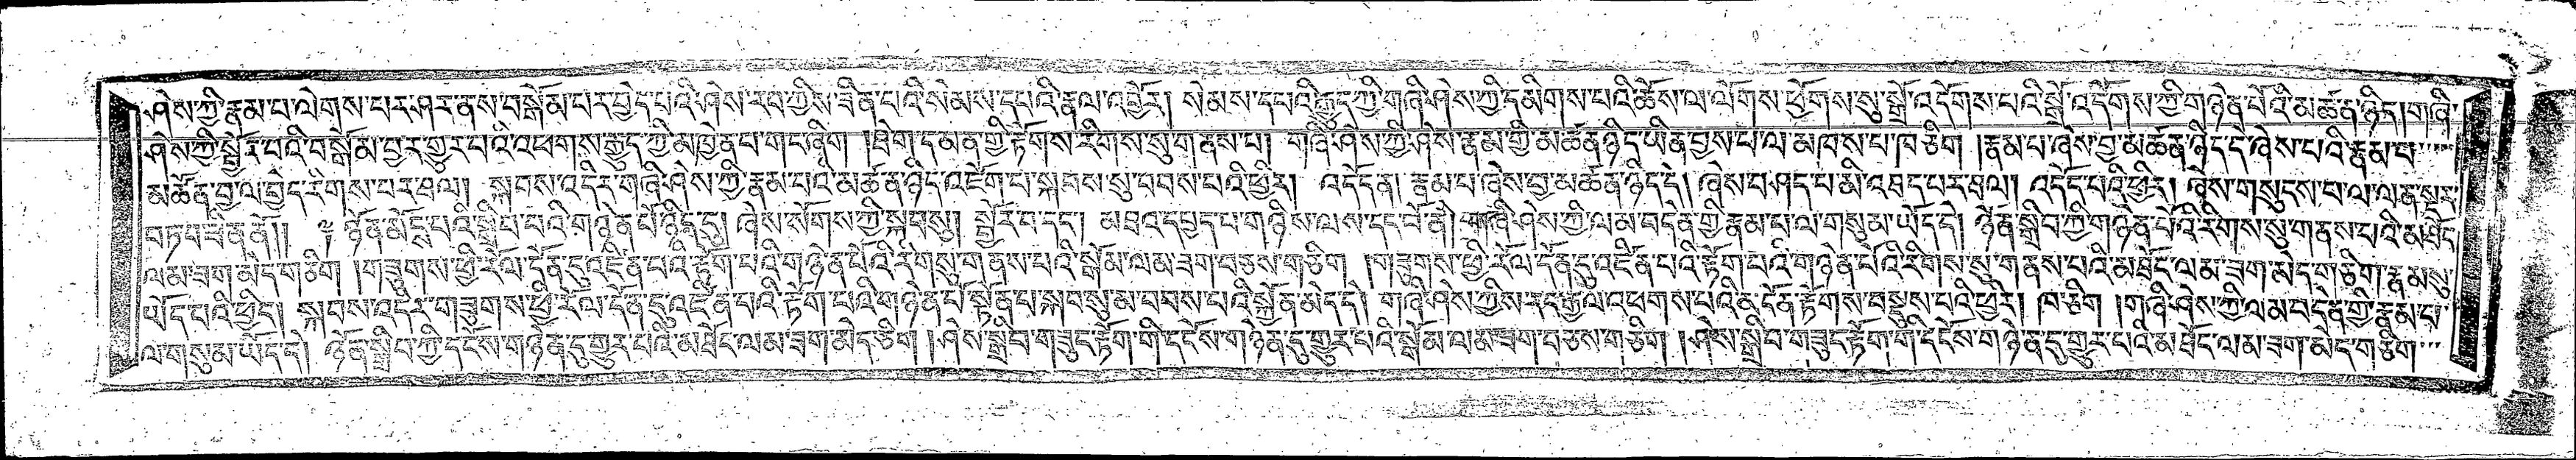ཤེས་ཀྱི་རྣམ་པ་ལེགས་པར་ཤར་ནས་བསྒོམ་པར་བྱེད་པའི་ཤེས་རབ་ཀྱིས་ཟིན་པའི་སེམས་དཔའི་རྣལ་འབྱོར། སེམས་དཔའི་རྒྱུད་ཀྱི་གཞི་ཤེས་ཀྱི་དམིགས་པའི་ཆོས་ལ་ལོགས་ཕྱོགས་སུ་སྒྲོ་འདོགས་པའི་སྒྲོ་འདོགས་ཀྱི་གཉེན་པོའི་མཚན་ཉིད། གཞི་
ཤེས་ཀྱི་སྦྱོར་བའི་བསྒོམ་བྱར་གྱུར་པའི་འཕགས་རྒྱུད་ཀྱི་མཁྱེན་པ་གང་ཞིག །ཐེག་དམན་གྱི་རྟོགས་རིགས་སུ་གནས་པ། གཞི་ཤེས་ཀྱི་ཤེས་རྣམ་གྱི་མཚན་ཉིད་ཡིན་བྱས་པ་ལ་མཁས་པ་ཁ་ཅིག །རྣམ་པ་ཞེས་བྱ་མཚན་ཉིད་དེ་ཞེས་པའི་རྣམ་པ་
མཚོན་བྱ་ལ་བྱེད་རིགས་པར་ཐལ། སྐབས་འདིར་གཞི་ཤེས་ཀྱི་རྣམ་པའི་མཚན་ཉིད་འཇོག་པ་སྐབས་སུ་བབས་པའི་ཕྱིར། འདོད་ན། རྣམ་པ་ཞེས་བྱ་མཚན་ཉིད་དེ། ཞེས་བཤད་པ་མི་འཐད་པར་ཐལ། འདོད་པའི་ཕྱིར། ཞེས་གསུངས་པ་ལ་ལན་སྔར་
བཏབ་ཟིན་ཏོ།། ༈ ཉོན་མོངས་པའི་སྒྲིབ་པའི་གཉེན་པོ་ཉིད་དུ། ཞེས་སོགས་ཀྱི་སྐབས་སུ། སྦྱོར་བ་དང་། མཐའ་དཔྱད་པ་གཉིས་ལས་དང་པོ་ནི། གཞི་ཤེས་ཀྱི་ལམ་བདེན་གྱི་རྣམ་པ་ལ་གསུམ་ཡོད་དེ། ཉོན་སྒྲིབ་ཀྱི་གཉེན་པོའི་རིགས་སུ་གནས་པའི་མཐོང་
ལམ་ཟག་མེད་གཅིག །གཟུགས་ཕྱི་རོལ་དོན་དུ་འཛིན་པའི་རྟོག་པའི་གཉེན་པོའི་རིགས་སུ་གནས་པའི་སྒོམ་ལམ་ཟག་བཅས་གཅིག །གཟུགས་ཕྱི་རོལ་དོན་དུ་འཛིན་པའི་རྟོག་པའི་གཉེན་པོའི་རིགས་སུ་གནས་པའི་མཐོང་ལམ་ཟག་མེད་གཅིག་རྣམས་སུ་
ཡོད་པའི་ཕྱིར། སྐབས་འདིར་གཟུགས་ཕྱི་རོལ་དོན་དུ་འཛིན་པའི་རྟོག་པའི་གཉེན་པོ་སྟོན་པ་སྐབས་སུ་མ་བབས་པའི་སྐྱོན་མེད་དེ། གཞི་ཤེས་ཀྱིས་རང་རྒྱལ་འཕགས་པའི་མངོན་རྟོགས་བསྡུས་པའི་ཕྱིར། ཁ་ཅིག །གཞི་ཤེས་ཀྱི་ལམ་བདེན་གྱི་རྣམ་པ་
ལ་གསུམ་ཡོད་དེ། ཉོན་སྒྲིབ་ཀྱི་དངོས་གཉེན་དུ་གྱུར་པའི་མཐོང་ལམ་ཟག་མེད་གཅིག །ཤེས་སྒྲིབ་གཟུང་རྟོག་གི་དངོས་གཉེན་དུ་གྱུར་པའི་སྒོམ་ལམ་ཟག་བཅས་གཅིག །ཤེས་སྒྲིབ་གཟུང་རྟོག་གི་དངོས་གཉེན་དུ་གྱུར་པའི་མཐོང་ལམ་ཟག་མེད་གཅིག་